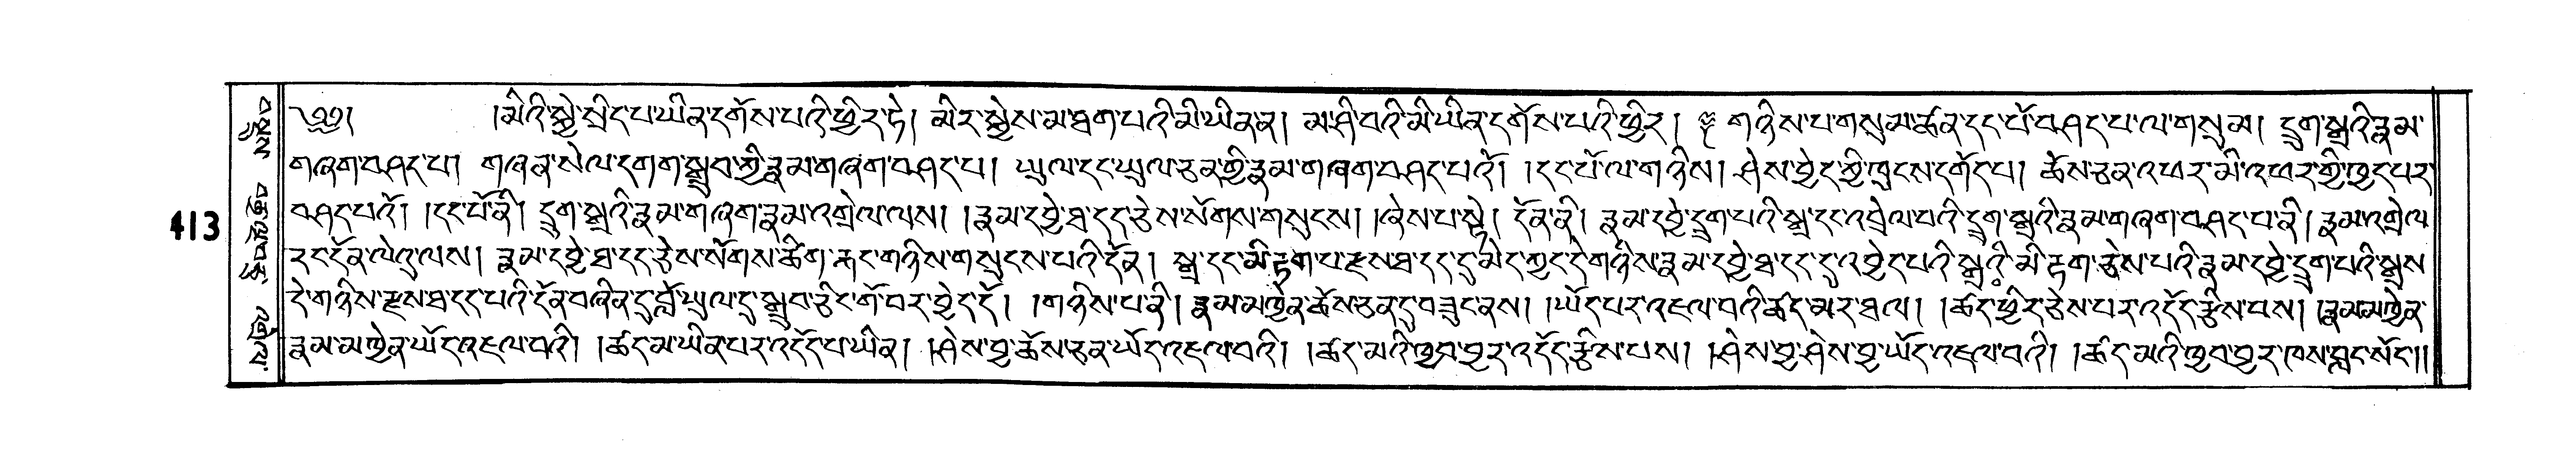༄༅། །མའི་སྐྱེ་སྲིད་པ་ཡིན་དགོས་པའི་ཕྱིར་ཏོ། མི་སྐྱེས་མཐའ་ཐག་པའི་མི་ཡིན་ན། མ་ཞི་བའི་མི་ཡིད་དགོས་པའི་ཕྱིར། ༈ གཉིས་པ་གསུམ་ཚན་དང་པོ་བཤད་པ་ལ་གསུམ་དྲུག་སྒྲའི་རྣ་
གཞག་བཤད། གཞན་སེལ་དགག་སྒྲུབ་ཀྱི་རྣམ་གཞག་བཤད་པ། ཡུལ་དང་ཡུལ་ཅན་གྱི་རྣག་གཞག་བཤད་པའོ། །དང་པོ་ལ་གཉིས། ཤེས་བྱེད་ཀྱི་ཁུངས་དགོས་པ། ཆོས་ཅན་འཕར་མི་འཕར་གྱི་ཁྱད་པར་
བཤད་པའོ། །དང་པོ་ནི། དྲུག་སྒྲའི་རྣམ་གཞག་རྣམ་འགྲེལ་ལ། རྣམ་དབྱེ་ཐད་ཅེས་སོགས་གསུངས། ཞེས་པ་སཏ།ཨེ་དོན་ནི། རྣམ་དབྱེ་དྲུག་པའི་གྲ་དང་འབྲེལ་པའི་དྲུག་སྒྲའི་རྣམ་ཞག་བཤད་པ་ནི། རྣམ་འགྲེལ་
རང་དོན་ལེའུ་ལ།ས་རྣམ་དབྱེ་ཐད་ཅེས་སོགས་ཚིག་རྐང་གཉིས་གསུངས་པའི་དོན། སྒྲ་དང་མི་རྟག་པ་རྫས་ཐ་དད་དུ་མེ་ཀྱང་དེ་གཉིས་རྣམ་དབྱེ་ཐ་དང་དུ་འབྱེད་པའི་སྒུའི་མི་རྟག་ཅེས་པའི་རྣམ་དབྱེ་དྲུག་པའི་སྒྲས་
དེ་གཉིས་རྫས་ཐ་དད་པའི་དོན་བཞིན་དུ་བློ་ཡུལ་དུ་སྒྲུབ་པ་ཅིང་གོ་བར་བྱེད་དོ། །གཉིས་པ་ན། རྣ་མཁྱེན་ཆོས་ཅན་དུ་བཟུང་ནས། །ཡོད་པར་འཇལ་བའི་ཚད་མར་ཐལ། །ཚད་ཕྱིར་ཅེས་པར་འདོད་རྩིས་པས། །རྣམ་མཁྱེན་
རྣམ་མཁྱེན་ཡོད་འཇལ་བའི། །ཆོས་མ་ཡིན་པར་འདོད་པ་ཡིན། །ཤེས་བྱ་ཆོས་ཅན་ཡོད་འཇལ་པའི། །ཚད་མའི་ཁྱབ་བྱར་འདོད་རྩིས་པས། །ཤེས་བྱ་ཤེས་བྱ་ཡོད་འཇལ་བའི། །ཚད་མའི་ཁྱབ་བྱར་ཁས་བླང་སོང།།